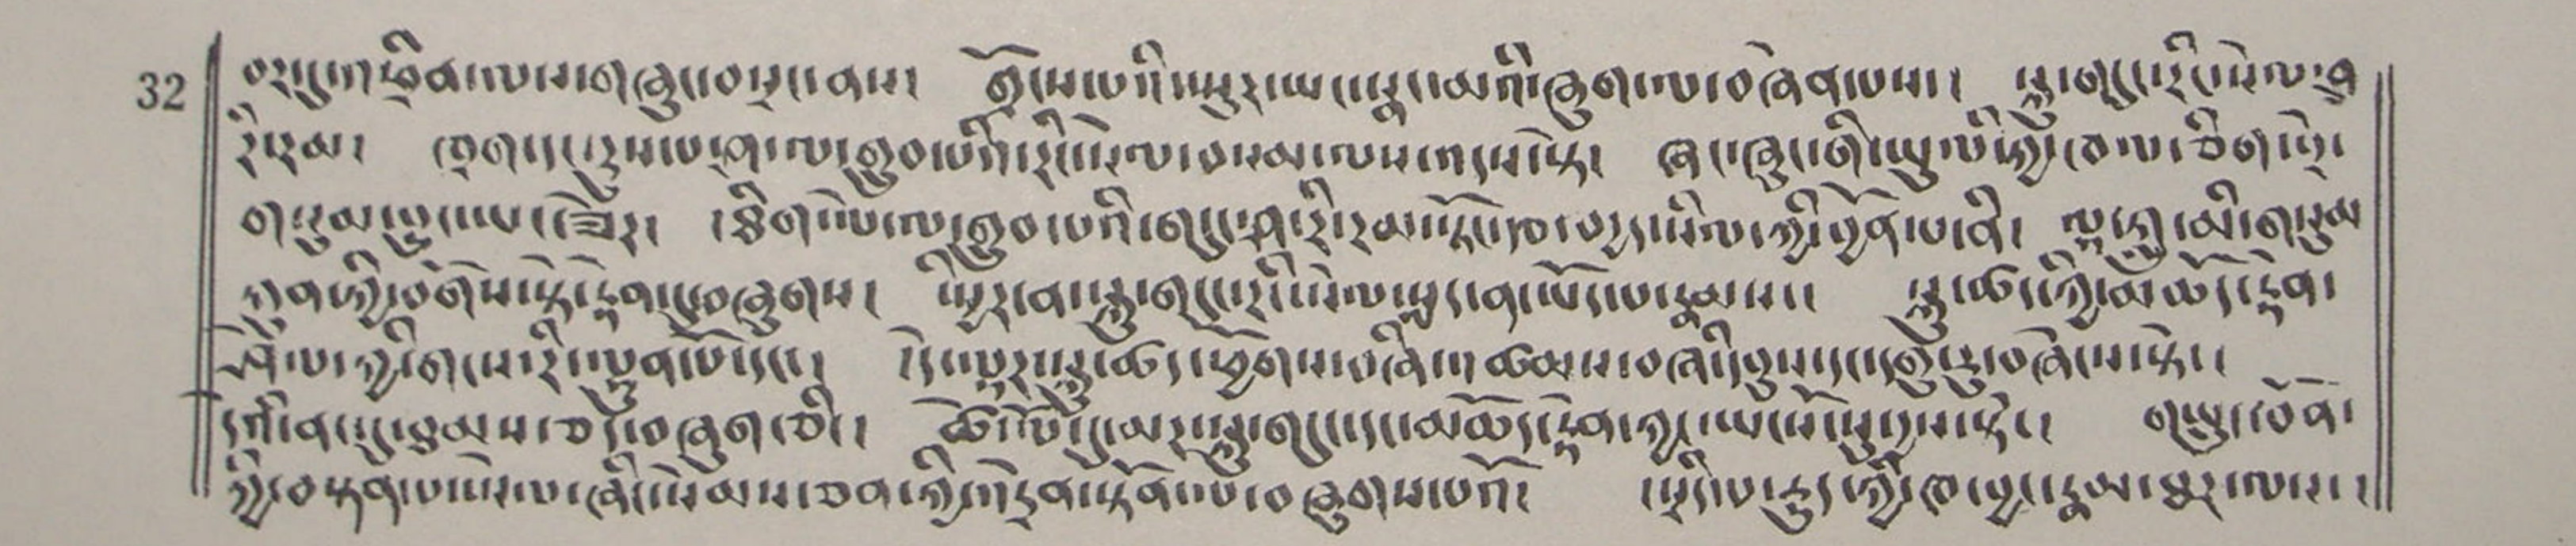བར་དུ་འཕྲིན་ལས་གཞུང་བསྲངས་ནས། གྲོངས་པའི་སྤུར་ཡང་སྣང་མའི་ཞུགས་ལ་བཞེན་པས། སྐུ་གདུང་རིང་སྲེལ་ཤ་
རི་རམ། ཁྲག་དང་རུས་པ་ཤ་ལ་གྲུབ་པའི་རིང་སྲེལ་བསམ་ལས་འདས་ཏེ། ཞང་ཞུང་གི་ཡུལ་གྱི་ཁལ་གཅིག་བྲེ་
གསུམ་བྱུང་ཡང་ཟེར། ཐིག་ལེ་གྲུབ་པའི་གདུང་ཤ་རི་རམ་སྟོང་རྩ་བརྒྱད་སིལ་གྱི་བྱོན་པ་ནི། ལྷ་ཀླུ་མི་གསུམ་
ཀུན་ཀྱི་བགོས་ཏེ་རྟེན་དུ་བཞུགས། སྤྱིར་ན་སྐུ་གདུང་རིང་སྲེལ་སླད་ནས་ཡོད་པ་རྣམས། སྐུ་ཚད་ཀྱི་མཆོད་རྟེན་
ཤེལ་གྱི་གངས་རི་མཐོན་པོ་དང་། དེ་ལྟར་སྐུ་ཚད་ཕྱོགས་བཞི་འཚམས་བཞི་དབུས་དང་དགུ་རུ་བཞེངས་ཏེ།
 དེའི་ནང་དུ་ཐམས་ཅད་བཞུགས་ཅིང་། ཚེ་ལོ་དུ་མར་སྐུ་གདུང་དང་མཆོད་རྟེན་ཡོངས་སུ་རྒྱས་ཏེ། །གཡུང་དྲུང་བོན་
གྱི་བསྟན་པ་སྤེལ་ཞིང་སེམས་ཅན་གྱི་འདྲེན་སྟོན་ལ་བཞུགས་པའོ། །སྲིད་པ་རྒྱུད་ཀྱི་ཁ་བྱང་རྣམ་ཐར་ཆེན་མོ་ལས།